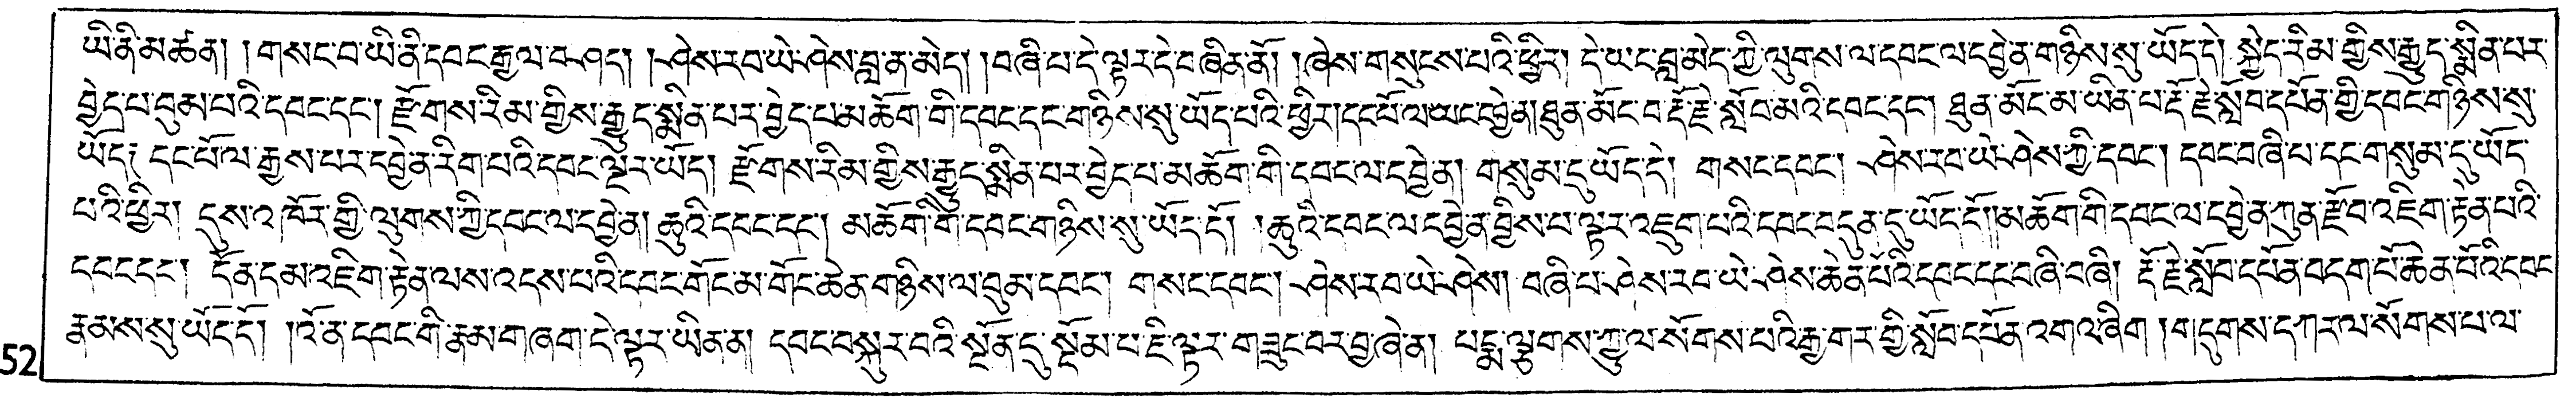ཡི་ནི་མཚན། །གསང་བ་ཡི་ནི་དབང་རྒྱལ་བཤད། །ཤེས་རབ་ཡེ་ཤེས་བླ་ན་མེད། །བཞི་པ་དེ་ལྟར་དེ་བཞིན་ནོ། །ཞེས་གསུངས་པའི་ཕྱིར། དེ་ཡང་བླ་མེད་ཀྱི་ལུགས་ལ་དབང་ལ་དབྱེ་ན་གཉིས་སུ་ཡོད་དེ། སྐྱེད་རིམ་གྱིས་རྒྱུད་སྨིན་པར་
བྱེད་པ་བུམ་པའི་དབང་དང་། རྫོགས་རིམ་གྱིས་རྒྱུད་སྨིན་པར་བྱེད་པ་མཆོག་གི་དབང་དང་གཉིས་སུ་ཡོད་པའི་ཕྱིར། དང་པོ་ལ་ཡང་དབྱེ་ན། ཐུན་མོང་བ་རྡོ་རྗེ་སློབ་མའི་དབང་དང་། ཐུན་མོང་མ་ཡིན་པ་རྡོ་རྗེ་སློབ་དཔོན་གྱི་དབང་གཉིས་སུ་
ཡོད། དང་པོ་ལ་རྒྱས་པར་དབྱེ་ན་རིག་པའི་དབང་ལྔར་ཡོད། རྫོགས་རིམ་གྱིས་རྒྱུད་སྨིན་པར་བྱེད་པ་མཆོག་གི་དབང་ལ་དབྱེ་ན། གསུམ་དུ་ཡོད་དེ། གསང་དབང་། ཤེས་རབ་ཡེ་ཤེས་ཀྱི་དབང་། དབང་བཞི་པ་དང་གསུམ་དུ་ཡོད་
པའི་ཕྱིར། དུས་འཁོར་གྱི་ལུགས་ཀྱི་དབང་ལ་དབྱེ་ན། ཆུའི་དབང་དང་། མཆོག་གི་དབང་གཉིས་སུ་ཡོད་དོ། །ཆུའི་དབང་ལ་དབྱེ་ན་བྱིས་པ་ལྟར་འཇུག་པའི་དབང་བདུན་དུ་ཡོད་དོ། །མཆོག་གི་དབང་ལ་དབྱེ་ན་ཀུན་རྫོབ་འཇིག་རྟེན་པའི་
དབང་དང་། དོན་དམ་འཇིག་རྟེན་ལས་འདས་པའི་དབང་གོང་མ་གོང་ཆེན་གཉིས་ལ་བུམ་དབང་། གསང་དབང་། ཤེས་རབ་ཡེ་ཤེས། བཞི་པ་ཤེས་རབ་ཡེ་ཤེས་ཆེན་པོའི་དབང་དང་བཞི་བཞི། རྡོ་རྗེ་སློབ་དཔོན་བདག་པོ་ཆེན་པོའི་དབང་
རྣམས་སུ་ཡོད་དོ། །འོ་ན་དབང་གི་རྣམ་གཞག་དེ་ལྟར་ཡིན་ན། དབང་བསྐུར་བའི་སྔོན་དུ་སྡོམ་པ་ཇི་ལྟར་གཟུང་བར་བྱ་ཞེ་ན། པདམ་ལྕགས་ཀྱུ་ལ་སོགས་པའི་རྒྱ་གར་གྱི་སློབ་དཔོན་འགའ་ཞིག །གདུགས་དཀར་ལ་སོགས་པ་ལ་